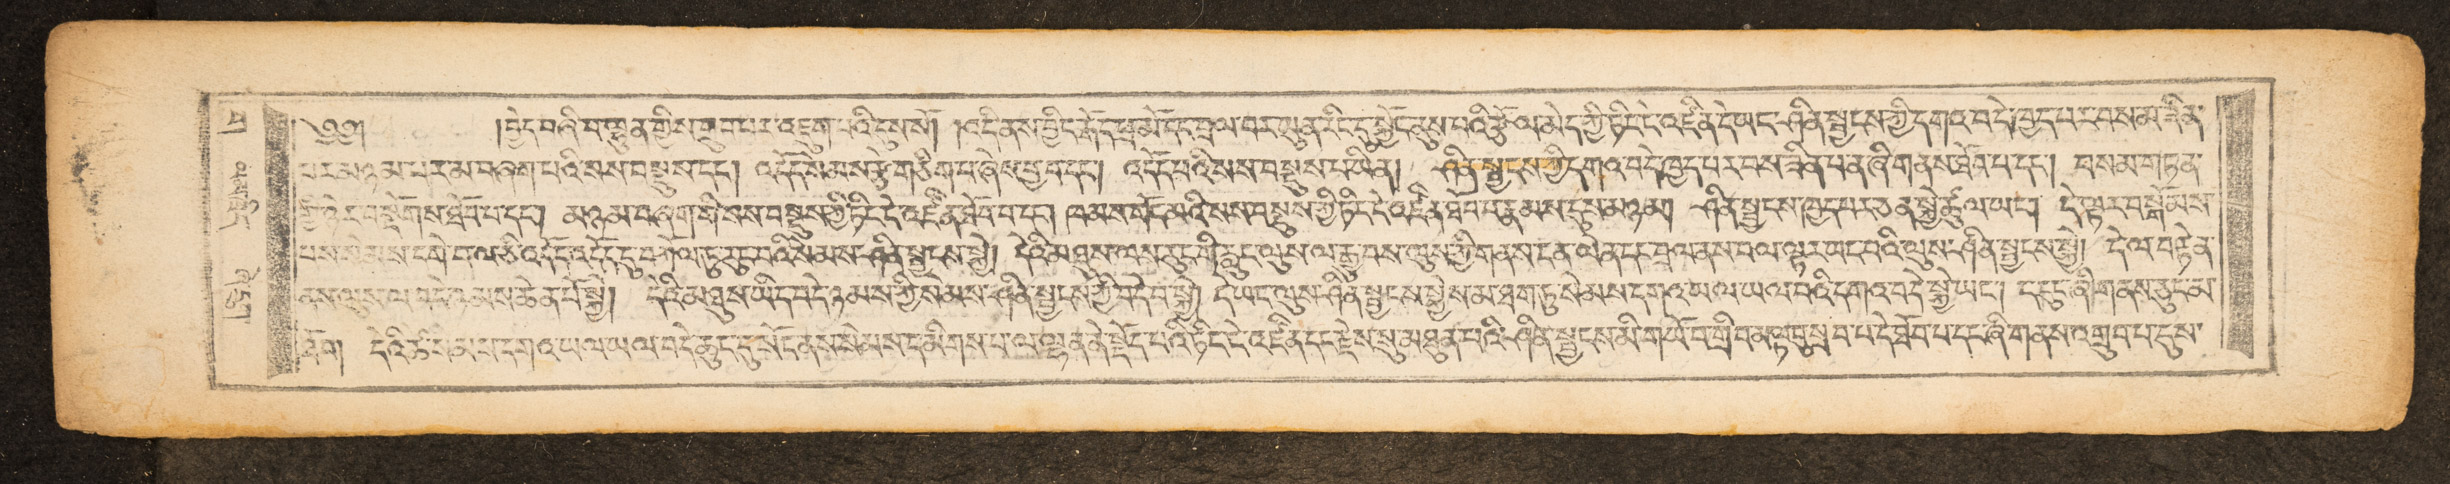༄༅། །བྱེད་བཞི་པ་ལྷུན་གྱིས་གྲུབ་པར་འཇུག་པའི་དུས་སོ། །འདི་ནས་བྱིང་རྒོད་ཕྲ་མོ་དང་བྲལ་བར་ཡུན་རིང་དུ་སྐྱོང་ནུས་པའི་རྩོལ་མེད་ཀྱི་ཏིང་ངེ་འཛིན་དེ་ཡང་ཤིན་སྦྱངས་ཀྱི་དགའ་བདེ་ཁྱད་པར་བསམ་ཟིན་
པར་མཉམ་པར་མ་བཞག་པའི་སས་བསྡུས་དང་། འདོད་སེམས་རྩེ་གཅིག་པ་ཞེས་བྱ་བ་དང་། འདོད་པའི་སས་བསྡུས་པ་ཡིན། ཤིན་སྦྱངས་ཀྱི་དགའ་བདེ་ཁྱད་པར་བས་ཟིན་པ་ན་ཞི་གནས་ཐོབ་པ་དང་། བསམ་གཏན་
གྱི་ཉེར་བསྡོགས་ཐོབ་པ་དང་། མཉམ་བཞག་གི་སས་བསྡུས་ཀྱི་ཏིང་ངེ་འཛིན་ཐོབ་པ་དང་། ཁམས་གོང་མའི་སས་བསྡུས་ཀྱི་ཏིང་ངེ་འཛིན་ཐོབ་པ་རྣམས་དུས་མཉམ། ཤིན་སྦྱངས་ཁྱད་པར་ཅན་སྐྱེ་ཚུལ་ཡང་། དེ་ལྟར་བསྒོམས་
པས་སེམས་དགེ་བ་ལ་ཅི་འདོད་འདོད་དུ་བཀོལ་ཏུ་རུང་བའི་སེམས་ཤིན་སྦྱངས་སྐྱེ། དེའི་མཐུས་ལས་རུང་གི་རླུང་ལུས་ལ་རྒྱུ་བས་ལུས་ཀྱི་གནས་ངན་ལེན་དང་བྲལ་ནས་བལ་ལྟར་ཡང་བའི་ལུས་ཤིན་སྦྱངས་སྐྱེ། དེ་ལ་བརྟེན་
ནས་ལུས་ལ་བདེ་ཉམས་ཆེན་པོ་སྐྱེ། དེའི་མཐུས་ཡིད་བདེ་ཉམས་ཀྱི་སེམས་ཤིན་སྦྱངས་ཀྱི་བདེ་བ་སྐྱེ། དེ་ཡང་ལུས་ཤིན་སྦྱངས་སྐྱེས་མ་ཐག་ཏུ་སེམས་དགའ་ཡལ་ཡལ་བའི་དགའ་བདེ་སྐྱེ་ཡང་། དངུང་ཞི་གནས་ཅུང་མ་
ཐོབ། དེའི་ཚེ་སེམས་དགའ་ཡལ་ཡལ་བདེ་ཆུང་དུ་སོང་ནས་སེམས་དམིགས་པ་ལ་ལྷན་ནེ་སྡོད་པའི་ཏིང་ངེ་འཛིན་དང་རྗེས་སུ་མཐུན་པའི་ཤིན་སྦྱངས་མི་གཡོ་བ་གྲིབ་མ་ལྟ་བུ་སྲབ་པ་དེ་ཐོབ་པ་དང་ཞི་གནས་འགྲུབ་པ་དུས་